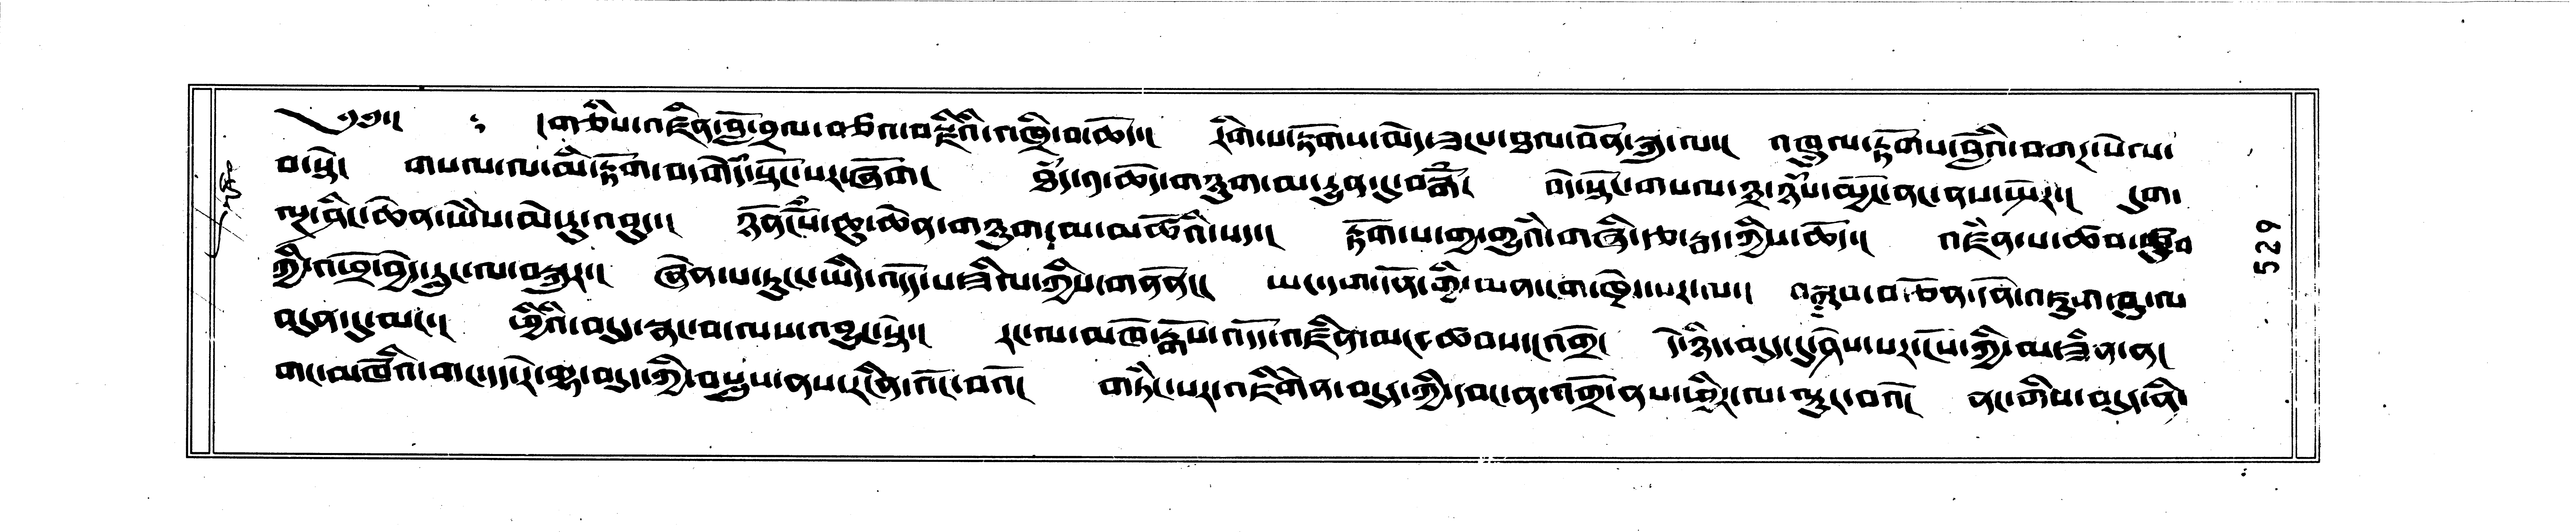གཅེས་འཛིན་བློ་བྲལ་རྩ་༼བཙའ༽རྫིའི་འཁྲི་བ་ཆོད། རིག་པ་རྟོག་མེད་ཟངས་ཐལ་བོན་སྐུ་ལ། འཁྲུལ་རྟོག་བློའི་བག་ཆགས་སེལ་
བ་སྟེ། གསལ་ལ་མི་རྟོག་བདག་མེད་སྟོང་པར་ཞོག ཐམས་ཅད་གཅིག་ཆོད་གཉུག་མ་རྒྱུན་དུ་སྒོམས། བདེ་སྟོང་གསལ་གསུམ་ཉམས་མྱོང་ནང་ནས་སྤོལ་༼སྤོར༽། དུག་
ལྔའི་ཤིང་ཆེན་ཡེ་ཤེས་མེ་རུ་བུས། ཉོན་མོངས་ཆུ་ཚན་འདྲ་བ་དེ་གཉུག་མའི་མཚོའི་༼མཚོ་ཡིས༽སོད། རྟོག་པ་གྱ་གྱུ་གཞི་རྩ་རྦད་ཀྱིས་ཆོད། འཛིན་པ་ཚབ་ཚུབ་
ཀྱི་འཕྲོ་བྱེད་རླུང་ལ་བསྐུར། ཞེན་པ་ཏུང་ཏུང་གྱི་འདོད་པ་ཟིལ་གྱིས་གནོན། ཡང་དག་དོན་གྱི་མེན་ངག་ཁྱད་པར་ལ། བསྒྲུབ་བརྩོན་དོན་ལ་
བདུད་དུ་མངས། ཕྱིའི་བདུད་སྣང་བ་ལ་འབྱུང་། ནང་གི་བདུད་རང་ལ་མཁོ་དགོས་འདོད་འཛིན་མང་ཚུབ་ཀྱིས་འགྲོ། དེ་ཉིད་དུ་ཤེས་པར་ངོས་ཀྱི་མ་ཟིན་ན།
 གང་མཁོ་གང་དེད་རེས་གྷ་(འགའ)བདུད་ཀྱི་བསླུ་ནས་རང་བཞིན་དུ་འོང་བའོ། གཏིང་མ་འཇིག་རྟེན་བདུད་ཀྱི་དབང་དུ་འགྲོ་ནས་ཕྱི་ལ་གཏོང་པའོ། ནང་གི་བདུད་ནི་